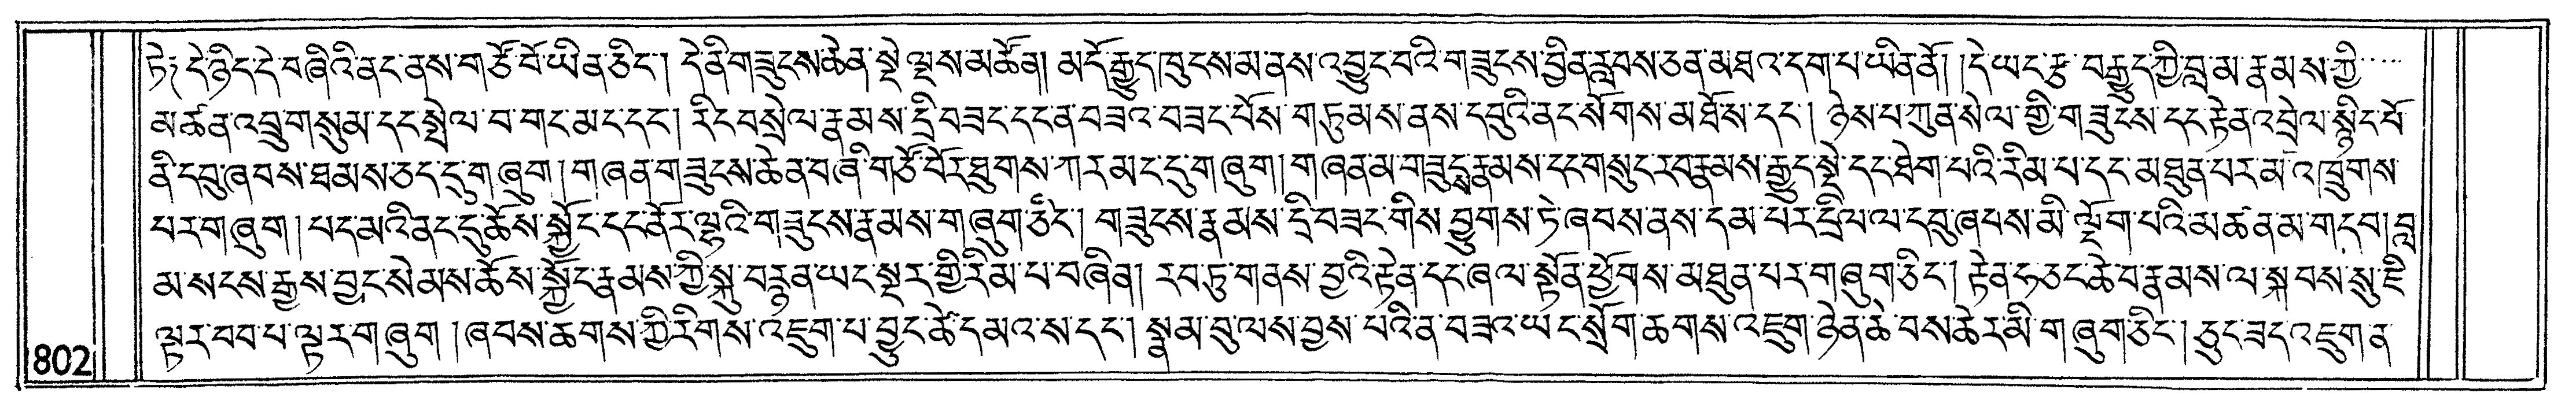ཏེ༑ དེ་ཉིད་དེ་བཞིའི་ནང་ནས་གཙོ་བོ་ཡིན་ཅིང་། དེ་ནི་གཟུངས་ཆེན་སྡེ་ལྔས་མཚོན། མདོ་རྒྱུད་ཁུངས་མ་ནས་འབྱུང་བའི་གཟུངས་བྱིན་རླབས་ཅན་མཐའ་དག་པ་ཡིན་ནོ། །དེ་ཡང་རྩ་བརྒྱུད་ཀྱི་བླ་མ་རྣམས་ཀྱི་
མཚན་འབྲུ་གསུམ་དང་སྤེལ་བ་གང་མང་དང་། རིང་བསྲེལ་རྣམས་དྲི་བཟང་དང་ན་བཟའ་བཟང་པོས་གཏུམས་ནས་དབུའི་ནང་སོགས་མཐོ་ས་དང་། ཉེས་པ་ཀུན་སེལ་གྱི་གཟུངས་དང་རྟེན་འབྲེལ་སྙིང་པོ་
ནི་དབུ་ཞབས་ཐམས་ཅད་དུ་གཞུག །གཞན་གཟུངས་ཆེན་བཞི་གཙོ་བོར་ཐུགས་ཀར་མང་དུ་གཞུག །གཞན་མ་གཟུངས་རྣམས་དང་གསུང་རབ་རྣམས་རྒྱུད་སྡེ་དང་ཐེག་པའི་རིམ་པ་དང་མཐུན་པར་མ་འཁྲུགས་
པར་གཞུག །པད་མའི་ནང་དུ་ཆོས་སྐྱོང་དང་ནོར་ལྷའི་གཟུངས་རྣམས་གཞུག་ཅིང་།གཟུངས་རྣམས་དྲི་བཟང་གིས་བྱུགས་ཏེ་ཞབས་ནས་དམ་པར་དྲིལ་ལ་དབུ་ཞབས་མི་ལྡོག་པའི་མཚན་མ་གདབ། བླ་
མ་སངས་རྒྱས་བྱང་སེམས་ཆོས་སྐྱོང་རྣམས་ཀྱི་སྐུ་བརྙན་ཡང་སྔར་གྱི་རིམ་པ་བཞིན། རབ་ཏུ་གནས་བྱའི་རྟེན་དང་ཞལ་སྟོན་ཕྱོགས་མཐུན་པར་གཞུག་ཅིང་།རྟེན་ཧ་ཅང་ཆེ་བ་རྣམས་ལ་སྐབས་སུ་ཇི་
ལྟར་བབ་པ་ལྟར་གཞུག །ཞབས་ཆགས་ཀྱི་རིགས་འཇུག་པ་བྱུང་ཚེ་དམའ་ས་དང་། སྣམ་བུ་ལས་བྱས་པའི་ན་བཟའ་ཡང་སྲོག་ཆགས་འཇུག་ཉེན་ཆེ་བས་ཆེར་མི་གཞུག་ཅིང་། ཅུང་ཟད་འཇུག་ན་